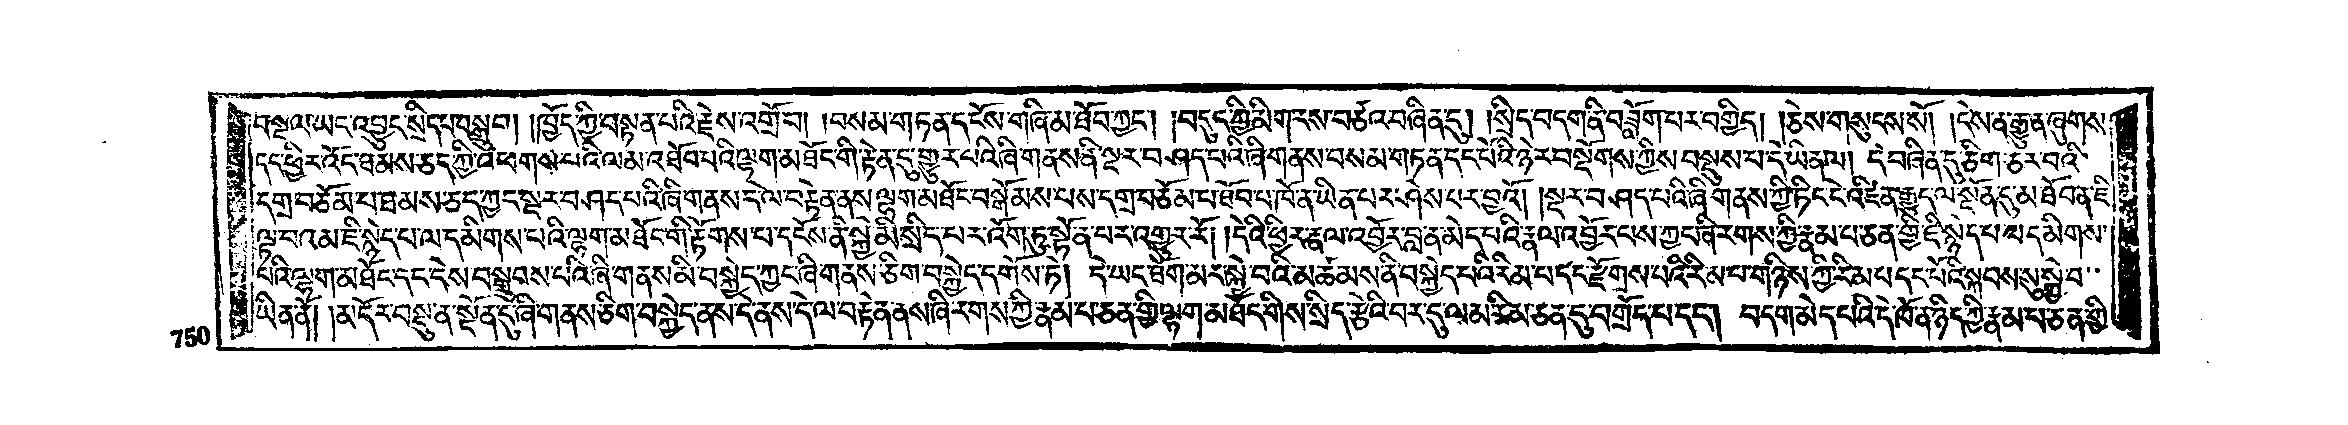བསྔལ་ཡང་འབྱུང་སྲིད་པ་བསྒྲུབ། །ཁྱོད་ཀྱི་བསྟན་པའི་རྗེས་འགྲོ་བ། །བསམ་གཏན་དངོས་གཞི་མ་ཐོབ་ཀྱང་། །བདུད་ཀྱི་མིག་རས་བཙའ་བཞིན་དུ། །སྲིད་པ་དག་ནི་བཟློག་པར་བགྱིད། །ཅེས་གསུངས་སོ། །དེས་ན་རྒྱུན་ཞུགས་
དང་ཕྱིར་འོང་ཐམས་ཅད་ཀྱི་འཕགས་པའི་ལམ་འཐོབ་པའི་ལྷག་མཐོང་གི་རྟེན་དུ་གྱུར་པའི་ཞི་གནས་ནི་སྔར་བཤད་པའི་ཞིག་གནས་བསམ་གཏན་དང་པོའི་ཉེར་བསྡོགས་ཀྱིས་བསྡུས་པ་དེ་ཡིན་ལ། དེ་བཞིན་དུ་ཅིག་ཅར་བའི་
དགྲ་བཅོམ་པ་ཐམས་ཅད་ཀྱང་སྔར་བཤད་པའི་ཞི་གནས་དེ་ལ་བརྟེན་ནས་ལྷག་མཐོང་བསྒོམས་པས་དགྲ་བཅོམ་པ་ཐོབ་པ་ཁོ་ན་ཡིན་པར་ཤེས་པར་བྱའོ། །སྔར་བཤད་པའི་ཞི་གནས་ཀྱི་ཏིང་ངེ་འཛིན་རྒྱུད་ལ་སྔོན་དུ་མ་ཐོབ་ན་ཇི་
ལྟ་བའམ་ཇི་སྙེད་པ་ལ་དམིགས་པའི་ལྷག་མཐོང་གི་རྟོགས་པ་དངོས་ནི་སྐྱེ་མི་སྲིད་པར་འོག་ཏུ་སྟོན་པར་འགྱུར་རོ། །དེའི་ཕྱིར་རྣལ་འབྱོར་བླ་ན་མེད་པའི་རྣལ་འབྱོར་པས་ཀྱང་ཞི་རགས་ཀྱི་རྣམ་པ་ཅན་གྱི་ཇི་སྙེད་པ་ལ་དམིགས་
པའི་ལྷག་མཐོང་དང་དེས་བསྒྲུབས་པའི་ཞི་གནས་མི་བསྐྱེད་ཀྱང་ཞི་གནས་ཅིག་བསྐྱེད་དགོས་ཏེ། དེ་ཡང་ཐོག་མར་སྐྱེ་བའི་མཚམས་ནི་བསྐྱེད་པའི་རིམ་པ་དང་རྫོགས་པའི་རིམ་པ་གཉིས་ཀྱི་རིམ་པ་དང་པོའི་སྐབས་སུ་སྐྱེ་བ་
ཡིན་ནོ། །མདོར་བསྡུ་ན་སྔོན་དུ་ཞི་གནས་ཅིག་བསྐྱེད་ནས་དེ་ནས་དེ་ལ་བརྟེན་ནས་ཞི་རགས་ཀྱི་རྣམ་པ་ཅན་གྱི་ལྷག་མཐོང་གིས་སྲིད་རྩེའི་བར་དུ་ལམ་རིམ་ཅན་དུ་བགྲོད་པ་དང་། བདག་མེད་པའི་དེ་ཁོ་ན་ཉིད་ཀྱི་རྣམ་པ་ཅན་གྱི་